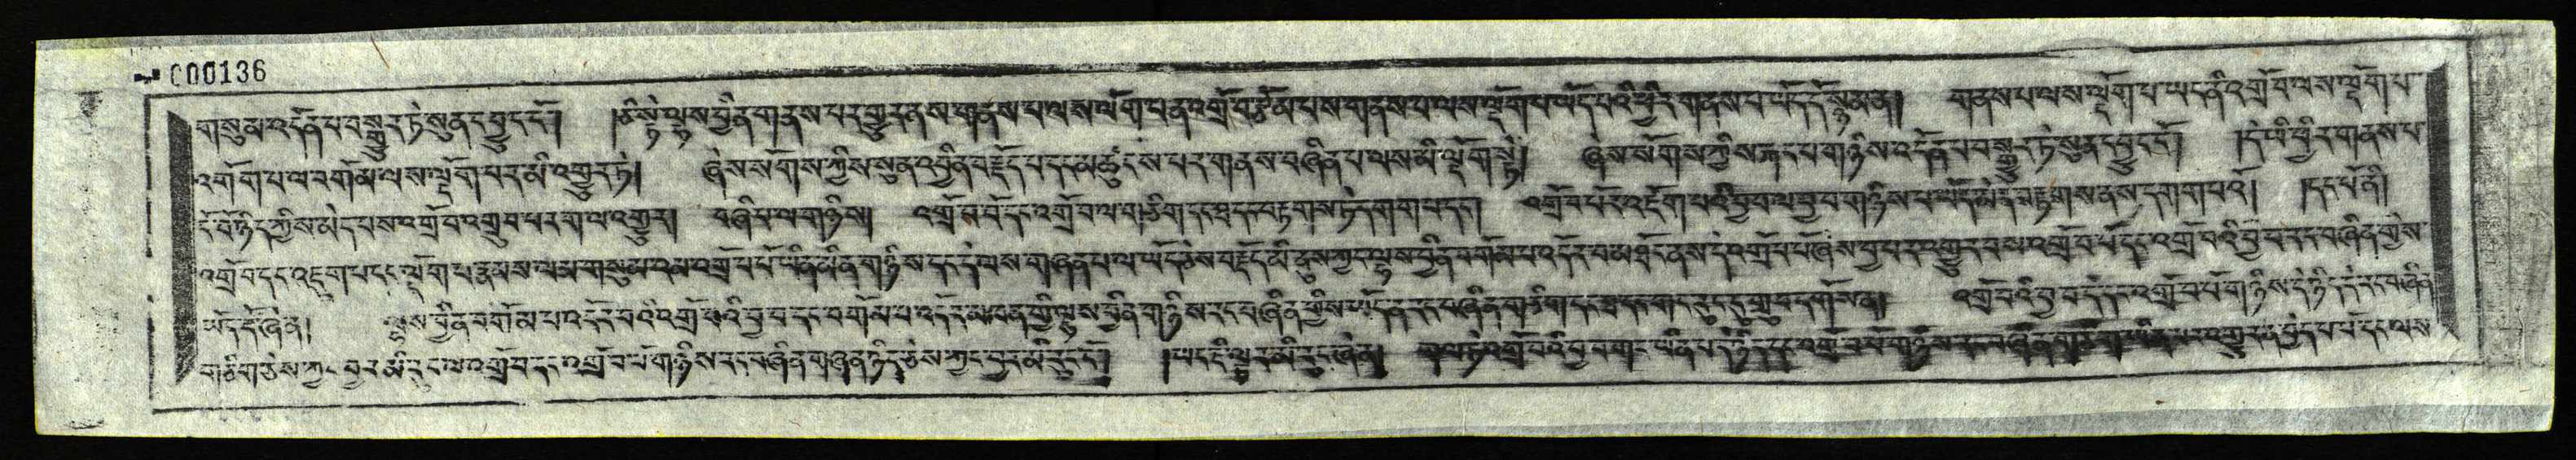གསུམ་འདོན་པ་བསྒྱུར་ཏེ་སུན་དབྱུང་ངོ། །ཅི་སྟེ་ལྷས་བྱིན་གནས་པར་གྱུར་ནས་གནས་པ་ལས་ལོག་པ་ན་འགྲོ་བ་རྩོམ་པས་གནས་པ་ལས་ལྡོག་པ་ཡོད་པའི་ཕྱིར་གནས་པ་ཡོད་དོ་སྙམ་ན། གནས་པ་ལས་ལྡོག་པ་ཡང་ནི་འགྲོ་བ་ལས་ལྡོག་པ་
འགོག་པ་ལ་འགོམ་ལས་ལྡོག་པར་མི་འགྱུར་ཏེ། ཞེས་སོགས་ཀྱིས་སུན་འབྱིན་བརྗོད་པ་དང་མཚུངས་པར་གནས་བཞིན་པ་ལས་མི་ལྡོག་སྟེ། ཞེས་སོགས་ཀྱིས་རྐང་པ་གཉིས་འདོན་པ་བསྒྱུར་ཏེ་སུན་དབྱུང་ངོ། །དེ་ཡི་ཕྱིར་གནས་པ་
ངོ་བོ་ཉིད་ཀྱིས་མེད་པས་འགྲོ་བ་འགྲུབ་པར་ག་ལ་འགྱུར། བཞི་པ་ལ་གཉིས། འགྲོ་བ་པོ་དང་འགྲོ་བ་ལ་གཅིག་དང་ཐ་དང་བརྟགས་ཏེ་དགག་པ་དང་། འགྲོ་བ་པོར་འཇོག་པའི་བྱ་བ་ལ་བྱ་བ་གཉིས་པ་ཡོད་མེད་བརྟགས་ནས་དགག་པའོ། །དང་པོ་ནི།
འགྲོ་བ་དང་འཇུག་པ་དང་ལྡོག་པ་རྣམས་ལམ་གསུམ་འམ་འགྲོ་བ་པོ་ཡིན་མིན་གཉིས་དང་དེ་ལས་གཞན་པ་ལ་ཡོད་ཅེས་བརྗོད་མོ་ནུས་ཀྱང་ལྷས་བྱིན་བགོམ་པ་འདོར་བ་མཐོང་ནས་དེ་འགྲོ་བ་པོ་ཞེས་བྱ་བར་འགྱུར་བས་འགྲོ་བ་པོ་དང་འགྲོ་བའི་བྱ་བ་རང་བཞིན་གྱིས་
ཡོད་དོ་ཞེ་ན། ལྷས་བྱིན་བགོམ་པ་འདོར་བའི་འགྲོ་བའི་བྱ་བ་དང་བགོམ་པ་འདོར་མཁན་གྱི་ལྷས་བྱིན་གཉིས་རང་བཞིན་གྱིས་ཡོད་ན་རང་བཞིན་གཅིག་དང་ཐ་དང་གང་རུང་དུ་གྲུབ་དགོས་ན། འགྲོ་བའི་བྱ་བ་དེ་དང་འགྲོ་བ་པོ་གཉིས་དེ་ཉིད་དེ་རང་བཞིན་
གཅིག་ཅེས་ཀྱང་བྱར་མི་རུང་ལ་འགྲོ་བ་དང་འགྲོ་བ་པོ་གཉིས་རང་བཞིན་གཞན་ཉིད་ཅེས་ཀྱང་བྱར་མི་རུང་ངོ། །ཡང་ཇི་ལྟར་མི་རུང་ཞེ་ན། གལ་ཏེ་འགྲོ་བའི་བྱ་བ་གང་ཡིན་པ་དེ་ཉིད་དང་འགྲོ་བ་པོ་གཉིས་རང་བཞིན་གཅིག་ཡིན་པར་འགྱུར་ན་བྱེད་པ་པོ་དང་ལས་